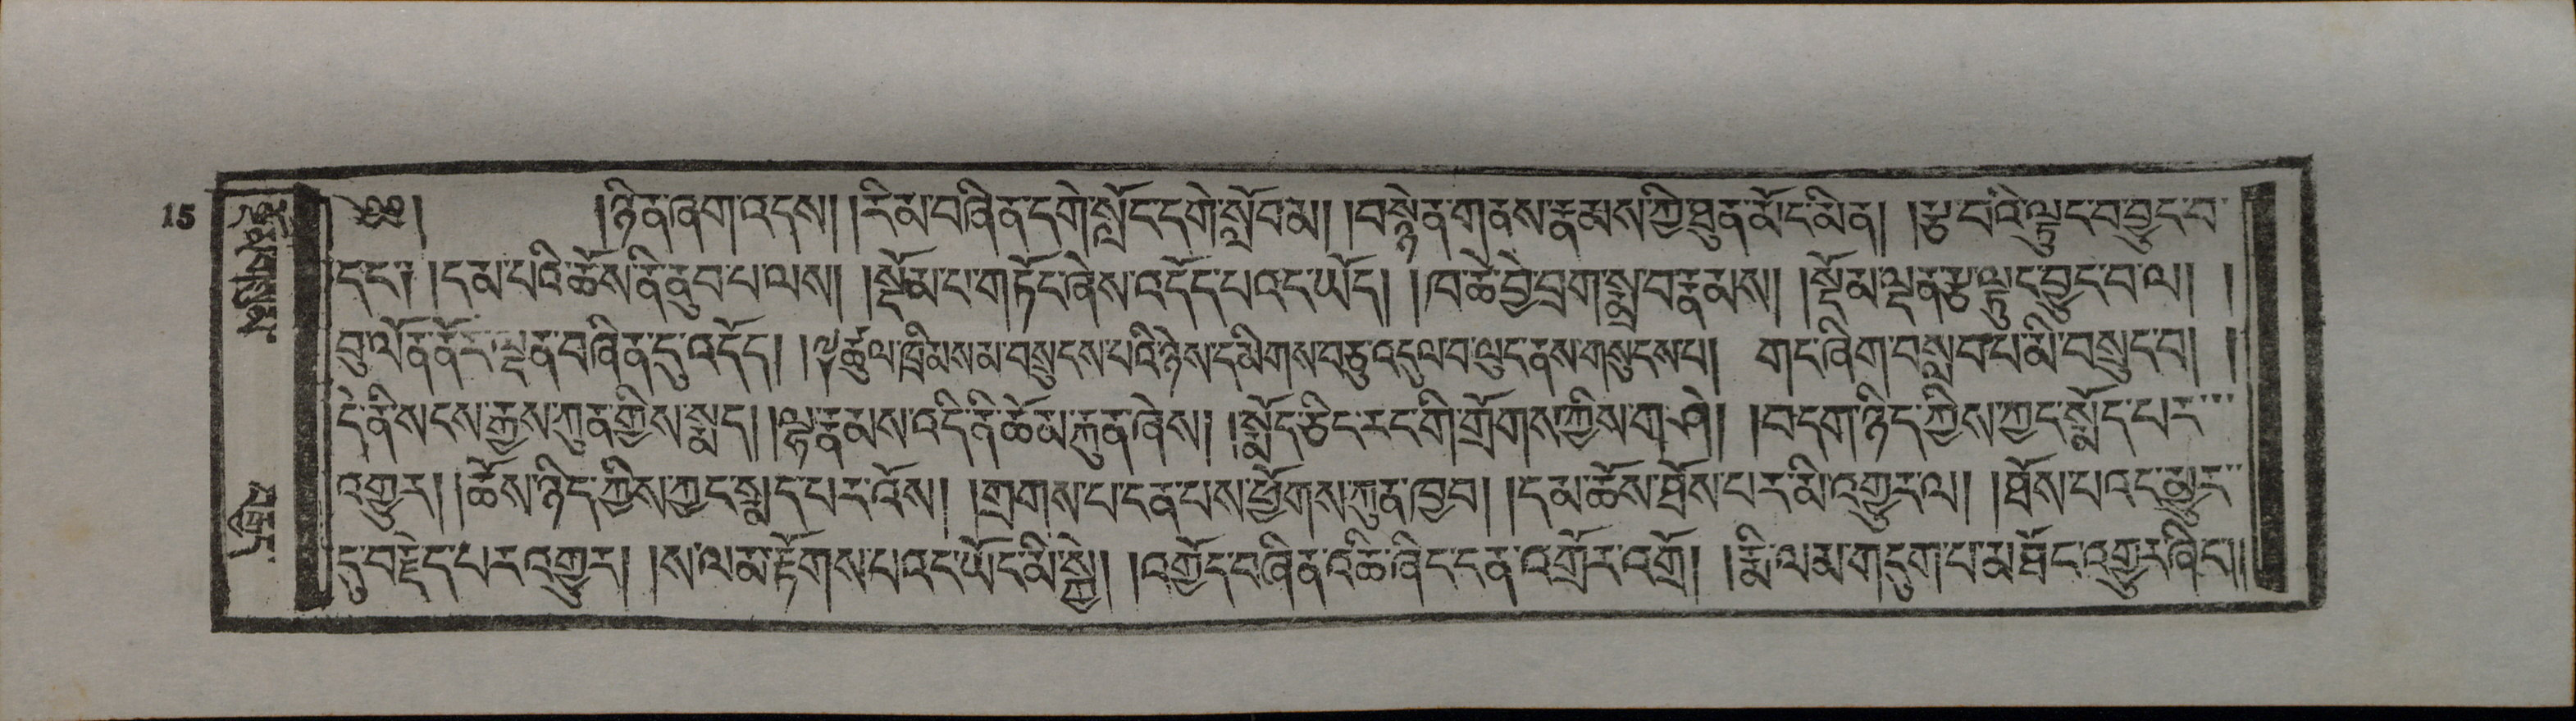༄༅། །ཉིན་ཞག་འདས། །རིམ་བཞིན་དགེ་སློང་དགེ་སློབ་མ། །བསྙེན་གནས་རྣམས་ཀྱི་ཐུན་མོང་མིན། །རྩ་བའི་ལྟུང་བ་བྱུང་བ་
དང་། །དམ་པའི་ཆོས་ནི་ནུབ་པ་ལས། །སྡོམ་པ་གཏོང་ཞེས་འདོད་པའང་ཡོད། །ཁ་ཆེ་བྱེ་བྲག་སྨྲ་བ་རྣམས། །སྡོམ་ལྡན་རྩ་ལྟུང་བྱུང་བ་ལ། །
བུ་ལོན་ནོར་ལྡན་བཞིན་དུ་འདོད། །༈ ཚུལ་ཁྲིམས་མ་བསྲུངས་པའི་ཉེས་དམིགས་བཅུ་འདུལ་བ་ལུང་ནས་གསུངས་པ།  གང་ཞིག་བསླབ་པ་མི་བསྲུང་བ། །
དེ་ནི་སངས་རྒྱས་ཀུན་གྱིས་སྨད། །ལྷ་རྣམས་འདི་ནི་ཆོམ་རྐུན་ཞེས། །སྨོད་ཅིང་རང་གི་གྲོགས་ཀྱིས་གཤེ། །བདག་ཉིད་ཀྱིས་ཀྱང་སྨོད་པར་
འགྱུར། །ཆོས་ཉིད་ཀྱིས་ཀྱང་སྨད་པར་འོས། །གྲགས་པ་ངན་པས་ཕྱོགས་ཀུན་ཁྱབ། །དམ་ཆོས་ཐོས་པར་མི་འགྱུར་ལ། །ཐོས་པའང་མྱུར་
དུ་བརྗོད་པར་འགྱུར། །ས་ལམ་རྟོགས་པའང་ཡོང་མི་སྐྱེ། །འགྱོད་བཞིན་འཆི་ཞིང་ངན་འགྲོར་འགྲོ། །རྨི་ལམ་གདུག་པ་མཐོང་འགྱུར་ཞིང་། །